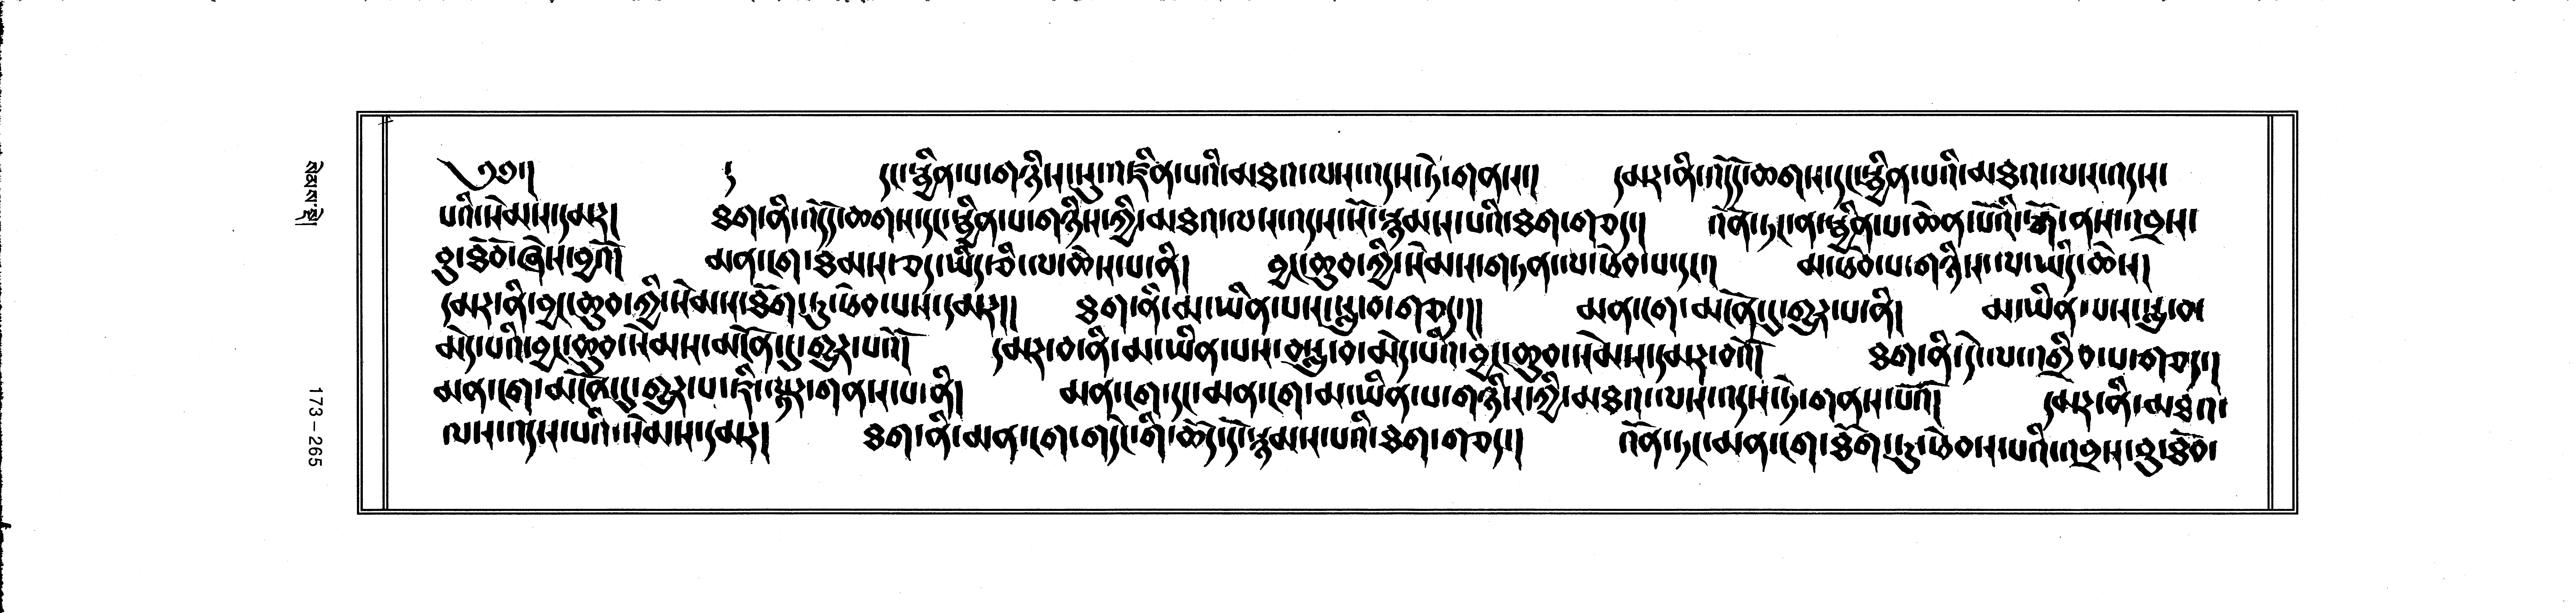དང་སྦྱིན་པ་གཉིས་སུ་འཛིན་པའི་མཐའ་ལས་འདས་ཏེ་གནས། དམར་ནི་འདོད་ཆགས་དང་སྦྱིན་པའི་མཐའ་ལས་འདས་
པའི་སེམས་དམར། ཐག་ནི་འདོད་ཆགས་དང་སྦྱིན་པ་གཉིས་ཀྱི་མཐའ་ལས་འདས་སོ་སྙམ་པའི་ཐག་གཅད། འོན་ཏང་ན་སྦྱིན་པ་ཆེན་པོའི་སྒོ་ནས་འབྲས་
བུ་ཐོབ་ཅེས་ཅེས་བྱའོ། །མན་ངག་ཐམས་ཅད་ཡིད་ཅི་ལ་ཆེས་པ་ནི། བྱང་ཆུབ་ཀྱི་སེམས་གཏན་ལ་ཕེབ་པ་དང་། མ་ཕོབ་པ་གཉིས་ལ་ཡིད་ཆེས། 
དམར་ནི་བྱང་ཆུབ་ཀྱི་སེམས་ཐོག་ཏུ་ཕེབ་པས་དམར། ཐག་ནི་མ་ཡིན་པས་བསླུ་བ་གཅད། མན་ངག་མངོན་དུ་གྱུར་པ་ནི། མ་ཡིན་པས་བསླུ་བ་
མེད་པའི་བྱང་ཆུབ་སེམས་མངོན་དུ་གྱུར་པའོ། །དམར་བ་ནི་མ་ཡིན་པས་བསླུ་བ་མེད་པའི་བྱང་ཆུབ་སེམས་དམར་བའོ། །ཐག་ནི་དེ་ལ་འགྲིབ་པ་གཅད། 
མན་ངག་མངོན་དུ་གྱུར་པ་ཇི་ལྟར་གནས་པ་ནི། མན་ངག་དང་མན་ངག་མ་ཡིན་པ་གཉིས་ཀྱི་མཐའ་ལས་འདས་ཏེ་གནས་པའོ། །དམར་ནི་མཐའ་
ལས་འདས་པའི་སེམས་དམར། ཐག་ནི་མན་ངག་གདེང་གི་ཆོད་དོ་སྙམ་པའི་ཐག་གཅད། འོན་ཏང་མན་ངག་ཐོག་ཏུ་ཕེབ་པའི་འབྲས་བུ་ཐོབ།